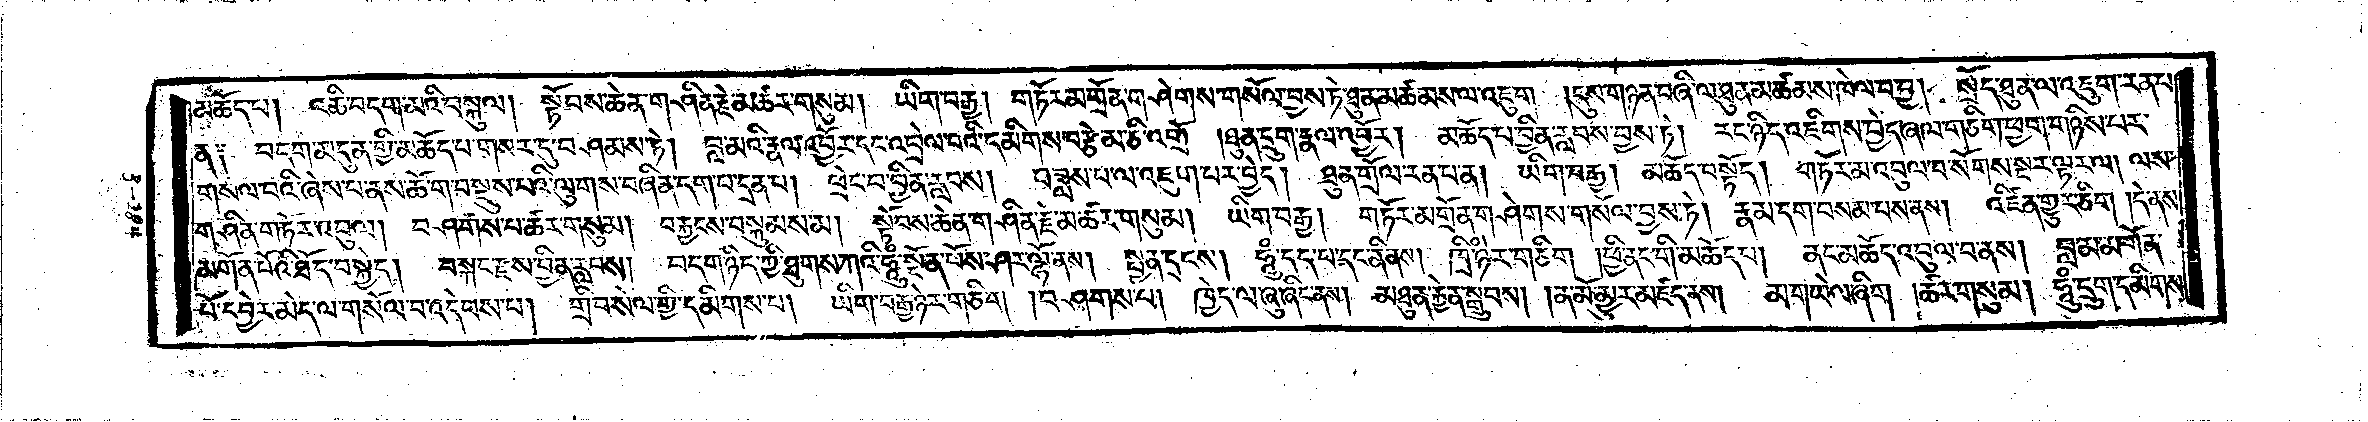མཆོད་པ། འཆི་བདག་མའི་བསྐུལ། སྟོབས་ཆེན་གཤིན་རྗེ་མཚར་གསུམ། ཡིག་བརྒྱ། གཏོར་མགྲོན་གཤེགས་གསོལ་བྱས་ཏེ་ཐུན་མཚམས་ལ་འཇུག །དུས་གཉན་བཞི་ལ་ཐུན་མཚམས་ཁེལ་བ་བྱ། སྲོད་ཐུན་ལ་འཇུག་རན་པ་
ན༑ བདག་མདུན་གྱི་མཆོད་པ་གསར་དུ་བཤམས་ཏེ། བླ་མའི་རྣལ་འབྱོར་དང་འབྲེལ་བའི་དམིགས་བརྩེམ་ཅི་འགྲོ་།ཐུན་དྲུག་རྣལ་འབྱོར། མཆོད་པ་བྱིན་རླབས་བྱས་ཏེ། རང་ཉིད་འཇིགས་བྱེད་ཞལ་གཅིག་ཕྱག་གཉིས་པར་
གསལ་བའི་ཞེས་པ་ནས་ཆོ་ག་བསྡུས་པའི་ལུགས་བཞིན་དག་པ་དྲན་པ། ཕྲེང་བ་བྱིན་རླབས། བཟླས་པ་ལ་འཇུག་པར་བྱེད། ཐུན་གྲོལ་རན་པ་ན། ཡིག་བརྒྱ། མཆོད་བསྟོད། གཏོར་མ་འབུལ་བ་སོགས་སྔར་ལྟར་ལ། ལས་
གཤིན་གཏོར་འབུལ། བཤགས་པ་ཚར་གསུམ། བརྐྱངས་བསྐུམས་མ། སྟོབས་ཆེན་གཤིན་རྗེ་མ་ཚར་གསུམ། ཡིག་བརྒྱ། གཏོར་མགྲོན་གཤེགས་གསོལ་བྱས་ཏེ། རྣམ་དག་བསམ་པས་ནས། འཛིན་གྱུར་ཅིག །དེ་ནས་
མགོན་པོའི་ཐོད་བསྐྱེད། བསྐང་རྫས་བྱིན་རླབས། བདག་ཉིད་ཀྱི་ཐུགས་ཀའི་ཧཱུཾ་སྔོན་པོས་ཤར་ལྷོ་ནས། སྤྱན་དྲངས། ཧཱུཾ་དད་པ་དང་ནི་ནས། ཁྲིཾ་ཉེར་གཅིག །ཕྱི་ནང་གི་མཆོད་པ། ནང་མཆོད་འབུལ་བ་ནས། བླ་མ་མགོན་
པོ་དབྱེར་མེད་ལ་གསོལ་བ་འདེབས་པ། གྲི་བསེལ་གྱི་དམིགས་པ། ཡིག་བརྒྱ་ཉེར་གཅིག །བཤགས་པ། ཁྱེད་ལ་ཞུ་ཞིང་ནས། མཐུན་རྐྱེན་སྒྲུབས། །ན་མོ་མྱུར་མཛད་ནས། མ་གཡེལ་ཞིག །ཚར་གསུམ། ཧཱུཾ་དྲུག་དམིགས་